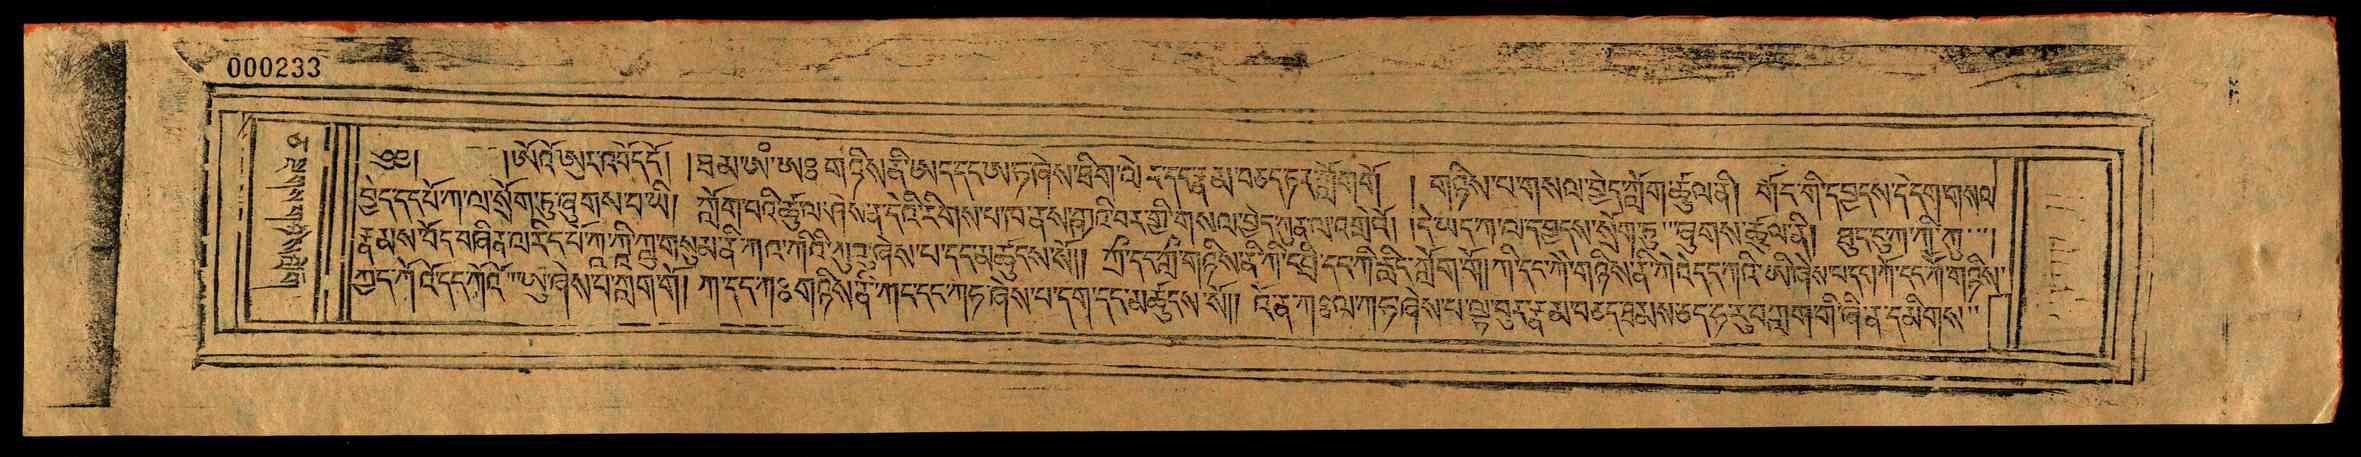༄༅། །ཨོའོ་ཨུར་འབོད་དོ། །ཐ་མ་ཨ་ཨཿ གཉིས་ནི་ཨང་རང་ནི་ཨང་རང་ཨཧ་ཞེས་ཐིག་ལེ་ང་དང་རྣམ་བཅད་ཉར་ཀློག་གོ །གཉིས་པ་གསལ་བྱེད་ཀློག་ཚུལ་ནི། གོང་གི་དབྱངས་དེ་དག་གསལ་
བྱེད་དང་པོ་ཀ་ལ་སྲོག་ཏུ་ཞུགས་པ་ཡི། ཀློག་པའི་ཚུལ་ཤེས་ན་དེའི་རིགས་པ་ཁ་ནས་ཀྵའི་བར་གྱི་གསལ་བྱེད་ཀུན་ལ་འགྲེའོ། །དེ་ཡང་ཀ་ལ་དབྱངས་སྲོག་ཏུ་་་ཞུགས་ཚུལ་ནི། ཐུང་དུ་ཀ་ཀི་ཀུ་
རྣམས་བོད་བཞིན་ལ་རིང་པོ་ཀཱ་ཀཱི་ཀཱུ་གསུམ་ནི་ཀའ་ཀིའི་ཀུའུ་ཞེས་པ་དང་མཚུངས་སོ།། ཀྲྀ་དང་ཀླྀ་གཉིས་ནི་ཀེ་དཔྲི་དང་ཀི་རླིར་ཀློག་གོ། ཀེ་དང་ཀི་གཉིས་ནི་ཀིའི་དང་ཀའི་ཨི་ཞེས་པ་དང་། ཀོ་དང་ཀཽ་གཉིས་
ཀྱང་ཀོའོ་དང་ཀོའོ། ཨུ་ཞེས་པ་ཀླག་གོ། ཀ་དང་ཀཿ གཉིས་ནི་ཀང་དང་ཀཧ་ཞེས་པ་དག་དང་མཚུངས་སོ།། འོ་ན་ཀ་རྩལ་ཀཧ་ཞེས་པ་ལྟ་བུར་རྣམ་བཅད་ཐམས་ཅད་ཧེརུ་བཀླག་གཾ་ཞེན་དམིགས་